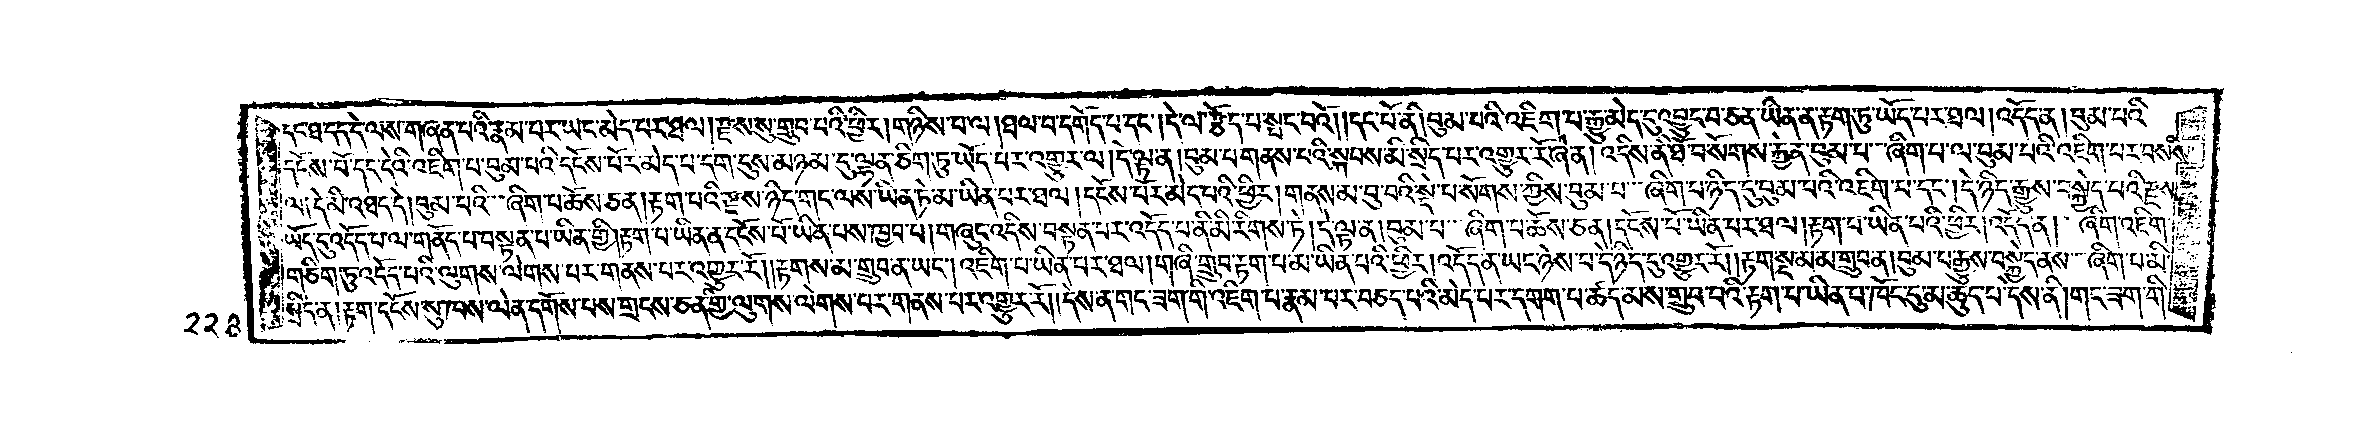དང་ཐ་དད་དེ་ལས་གཞན་པའི་རྣམ་པར་ཡང་མེད་པར་ཐལ། རྫས་སུ་གྲུབ་པའི་ཕྱིར། གཉིས་པ་ལ། ཐལ་བ་དགོད་པ་དང་། དེ་ལ་རྩོད་པ་སྤང་བའོ། །དང་པོ་ནི། བུམ་པའི་འཇིག་པ་རྒྱུ་མེད་དུ་འབྱུང་བ་ཅན་ཡིན་ན་རྟག་ཏུ་ཡོད་པར་ཐལ། འདོད་ན། བུམ་པའི་
དངོས་པོ་དང་དེའི་འཇིག་པ་བུམ་པའི་དངོས་པོར་མེད་པ་དག་དུས་མཉམ་དུ་ལྷན་ཅིག་ཏུ་ཡོད་པར་འགྱུར་ལ། དེ་ལྟ་ན། བུམ་པ་གནས་པའི་སྐབས་མི་སྲིད་པར་འགྱུར་རོ་ཞེ་ན། འདིས་ནི་ཐོ་བ་སོགས་རྐྱེན་བུམ་པ་ཞིག་པ་ལ་བུམ་པའི་འཇིག་པར་བསེས་
ལ། དེ་མི་འཐད་དེ། བུམ་པའི་ཞིག་པ་ཆོས་ཅན། རྟག་པའི་རྫས་ཉིད་གང་ལས་ཡིན་ཏེ་མ་ཡིན་པར་ཐལ། དངོས་པོར་མེད་པའི་ཕྱིར། གནས་མ་བུ་བའི་སྡེ་པ་སོགས་ཀྱིས་བུམ་པ་ཞིག་པ་ཉིད་དུ་བུམ་པའི་འཇིག་པ་དང་། དེ་ཉིད་རྒྱུས་བསྐྱེད་པའི་རྫས་
ཡོད་དུ་འདོད་པ་ལ་གནོད་པ་བསྟན་པ་ཡིན་གྱི། རྟག་པ་ཡིན་ན་དངོས་པོ་ཡིན་པས་ཁྱབ་པ། གཞུང་འདིས་བསྟན་པར་འདོད་པ་ནི་མི་རིགས་ཏེ། དེ་ལྟ་ན། བུམ་པ་ཞིག་པ་ཆོས་ཅན། དངོས་པོ་ཡིན་པར་ཐལ། རྟག་པ་ཡིན་པའི་ཕྱིར། འདོད་ན། ཞིག་འཇིག་
གཅིག་ཏུ་འདོད་པའི་ལུགས་ལེགས་པར་གནས་པར་འགྱུར་རོ། །རྟགས་མ་གྲུབ་ན་ཡང་། འཇིག་པ་ཡིན་པར་ཐལ། གཞི་གྲུབ་རྟག་པ་མ་ཡིན་པའི་ཕྱིར། འདོད་ན་ཡང་ཉེས་པ་དེ་ཉིད་དུ་འགྱུར་རོ། །རྟག་སྔ་མ་མ་གྲུབ་ན། བུམ་པ་རྒྱུས་བསྐྱེད་ནས་ཞིག་པ་མི་
སྲིད་ན། རྟག་དངོས་སུ་ཁས་ལེན་དགོས་པས་གྲངས་ཅན་གྱི་ལུགས་ལེགས་པར་གནས་པར་འགྱུར་རོ། །དེས་ན་གང་ཟག་གི་འཇིག་པ་རྣམ་པར་བཅད་པའི་མེད་པར་དགག་པ་ཚད་མས་གྲུབ་པའི་རྟག་པ་ཡིན་པ་ཁོང་དུ་མ་ཆུད་པ་དེས་ནི། གང་ཟག་གི་